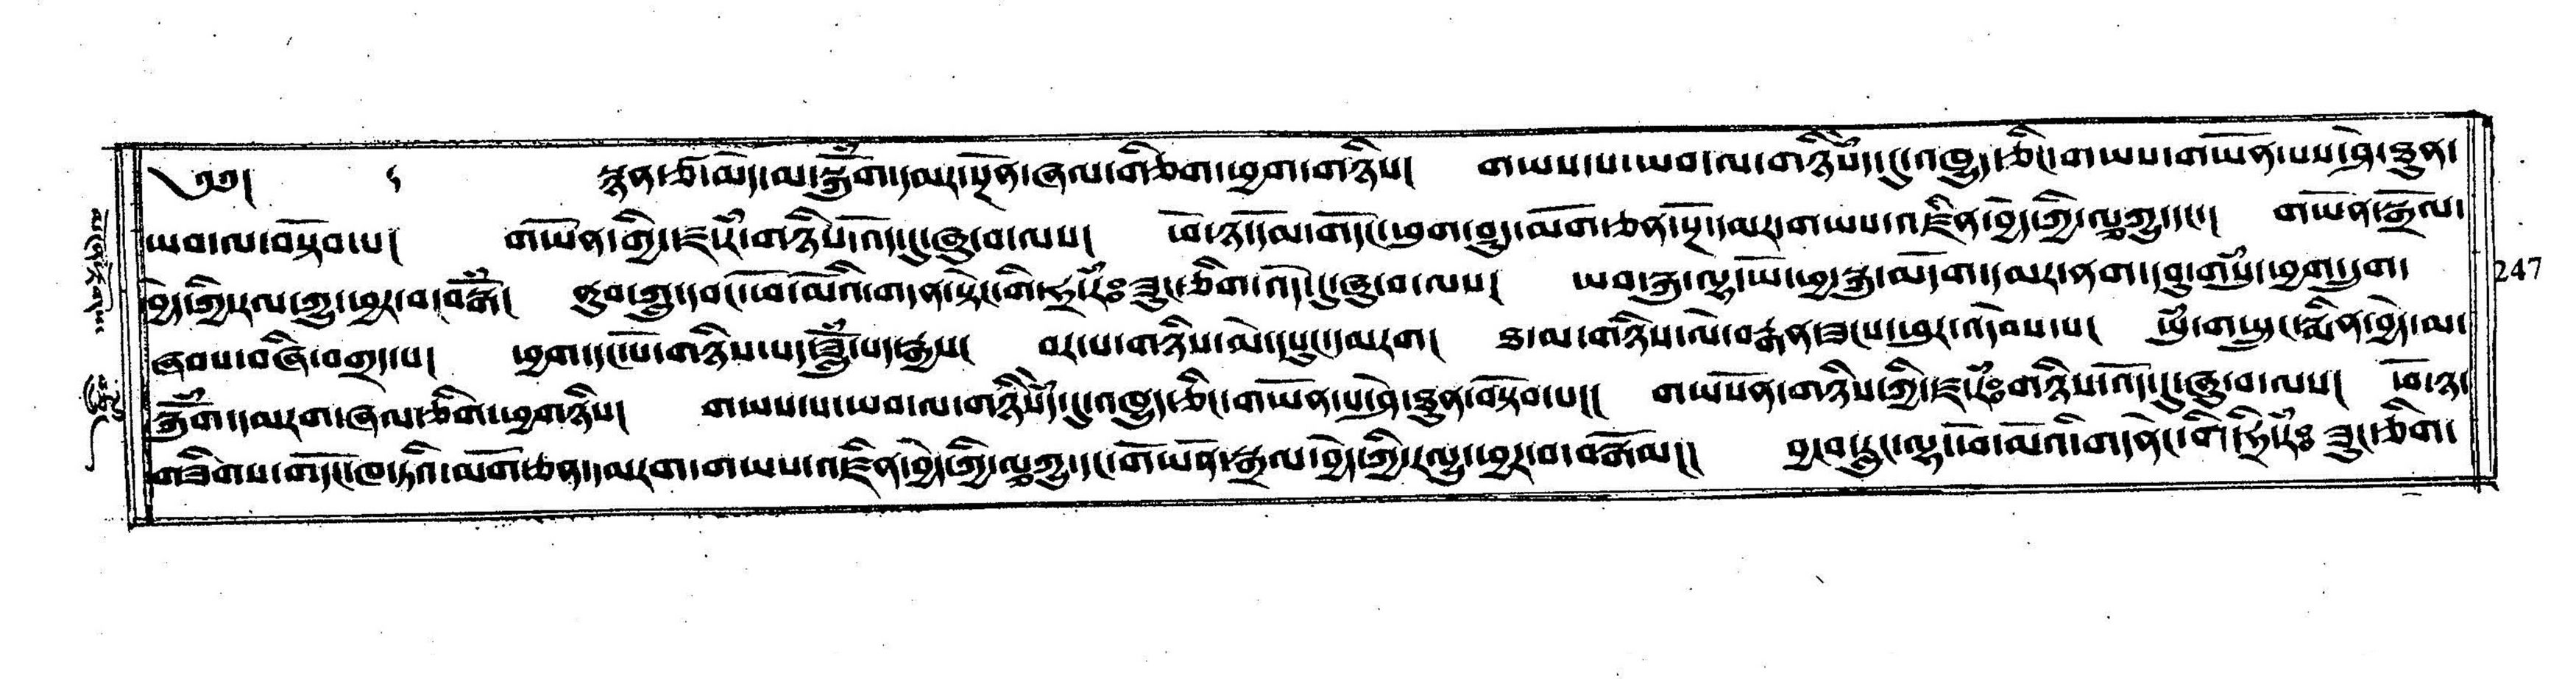སྙན་ཙ་མེད་མ་སྐུ་མདོག་དམར་སྔོན་ཞལ་གཅིག་ཕྱག་གཉིས། གཡས་པ་ཡབ་ལ་གཉིས་མེད་དུ་འཁྱུད་ཅིང་གཡོན་པས་ཤེ་ཐུན་
ཡབ་ལ་བསྟོབ་པ། གཡོན་གྱི་ཛ་རཾ་གཉིས་འོད་དུ་ཞུ་བ་ལས། ཕོ་ཉ་དོམ་གདོང་ཕུག་ཤུད་མགོ་ཅན་སྔོ་དམར་གཡས་འཛིན་བྱེད་ཀྱི་ལྕག་ཀྱུ་དང་། གཡོན་སྒྲོལ་
བྱེད་ཀྱི་རལ་ཀྱུ་ཕྱར་བ་བསྒོམ། ནུབ་ཀླུ་དབང་ཕོ་མོའི་གདན་སྟེང་གི་ཧྲི་རཾཿཟུང་ཅིག་འོད་དུ་ཞུ་བ་ལས། ཡབ་སྐུ་ལྷ་ཡོ་ཕྱ་སྐུ་མདོག་དམར་ནག་དབུ་གསུམ་ཕྱག་དྲུག་
ཞབས་བཞི་བགྲད་པ། ཕྱག་དང་པོ་གཉིས་པད་ཟླུམ་པད་རྒྱས། བར་པ་གཉིས་མེ་དཔུང་དམར་ནག ཐ་མ་གཉིས་ལེ་བརྒན་ཟངས་ཕུར་འདེབས་པ། ཡུམ་གཡུང་དྲུང་སྨིན་བྱེད་མ་
སྐུ་མདོག་དམར་ནག་ཞལ་ཅིག་ཕྱག་གཉིས། གཡས་པ་ཡབ་ལ་གཉིས་མེད་དུ་འཁྱུད་ཅིང་གཡོན་པ་ཤེ་ཐུན་བསྟོབ་པ།། གཡས་གཡོན་གཉིས་ཀྱི་ཛ་རཾཿགཉིས་འོད་དུ་ཞུ་བ་ལས། ཕོ་ཉ་
གཟིགས་གདོང་ཁ་ཏའི་མགོ་ཅན་དམར་ནག་གཡས་འཛིན་བྱེད་ཀྱི་ལྕག་ཀྱུ་དང་གཡས་གཡོན་སྒྲོལ་བྱེད་ཀྱི་རལ་ཀྱུ་ཕྱར་བ་བསྒོམ།། བྱང་ཆུབ་རླུང་ལྷ་ཕོ་མོའི་གདན་སྟེང་གི་ཧྲི་རཾཿ ཟུང་ཅིག་